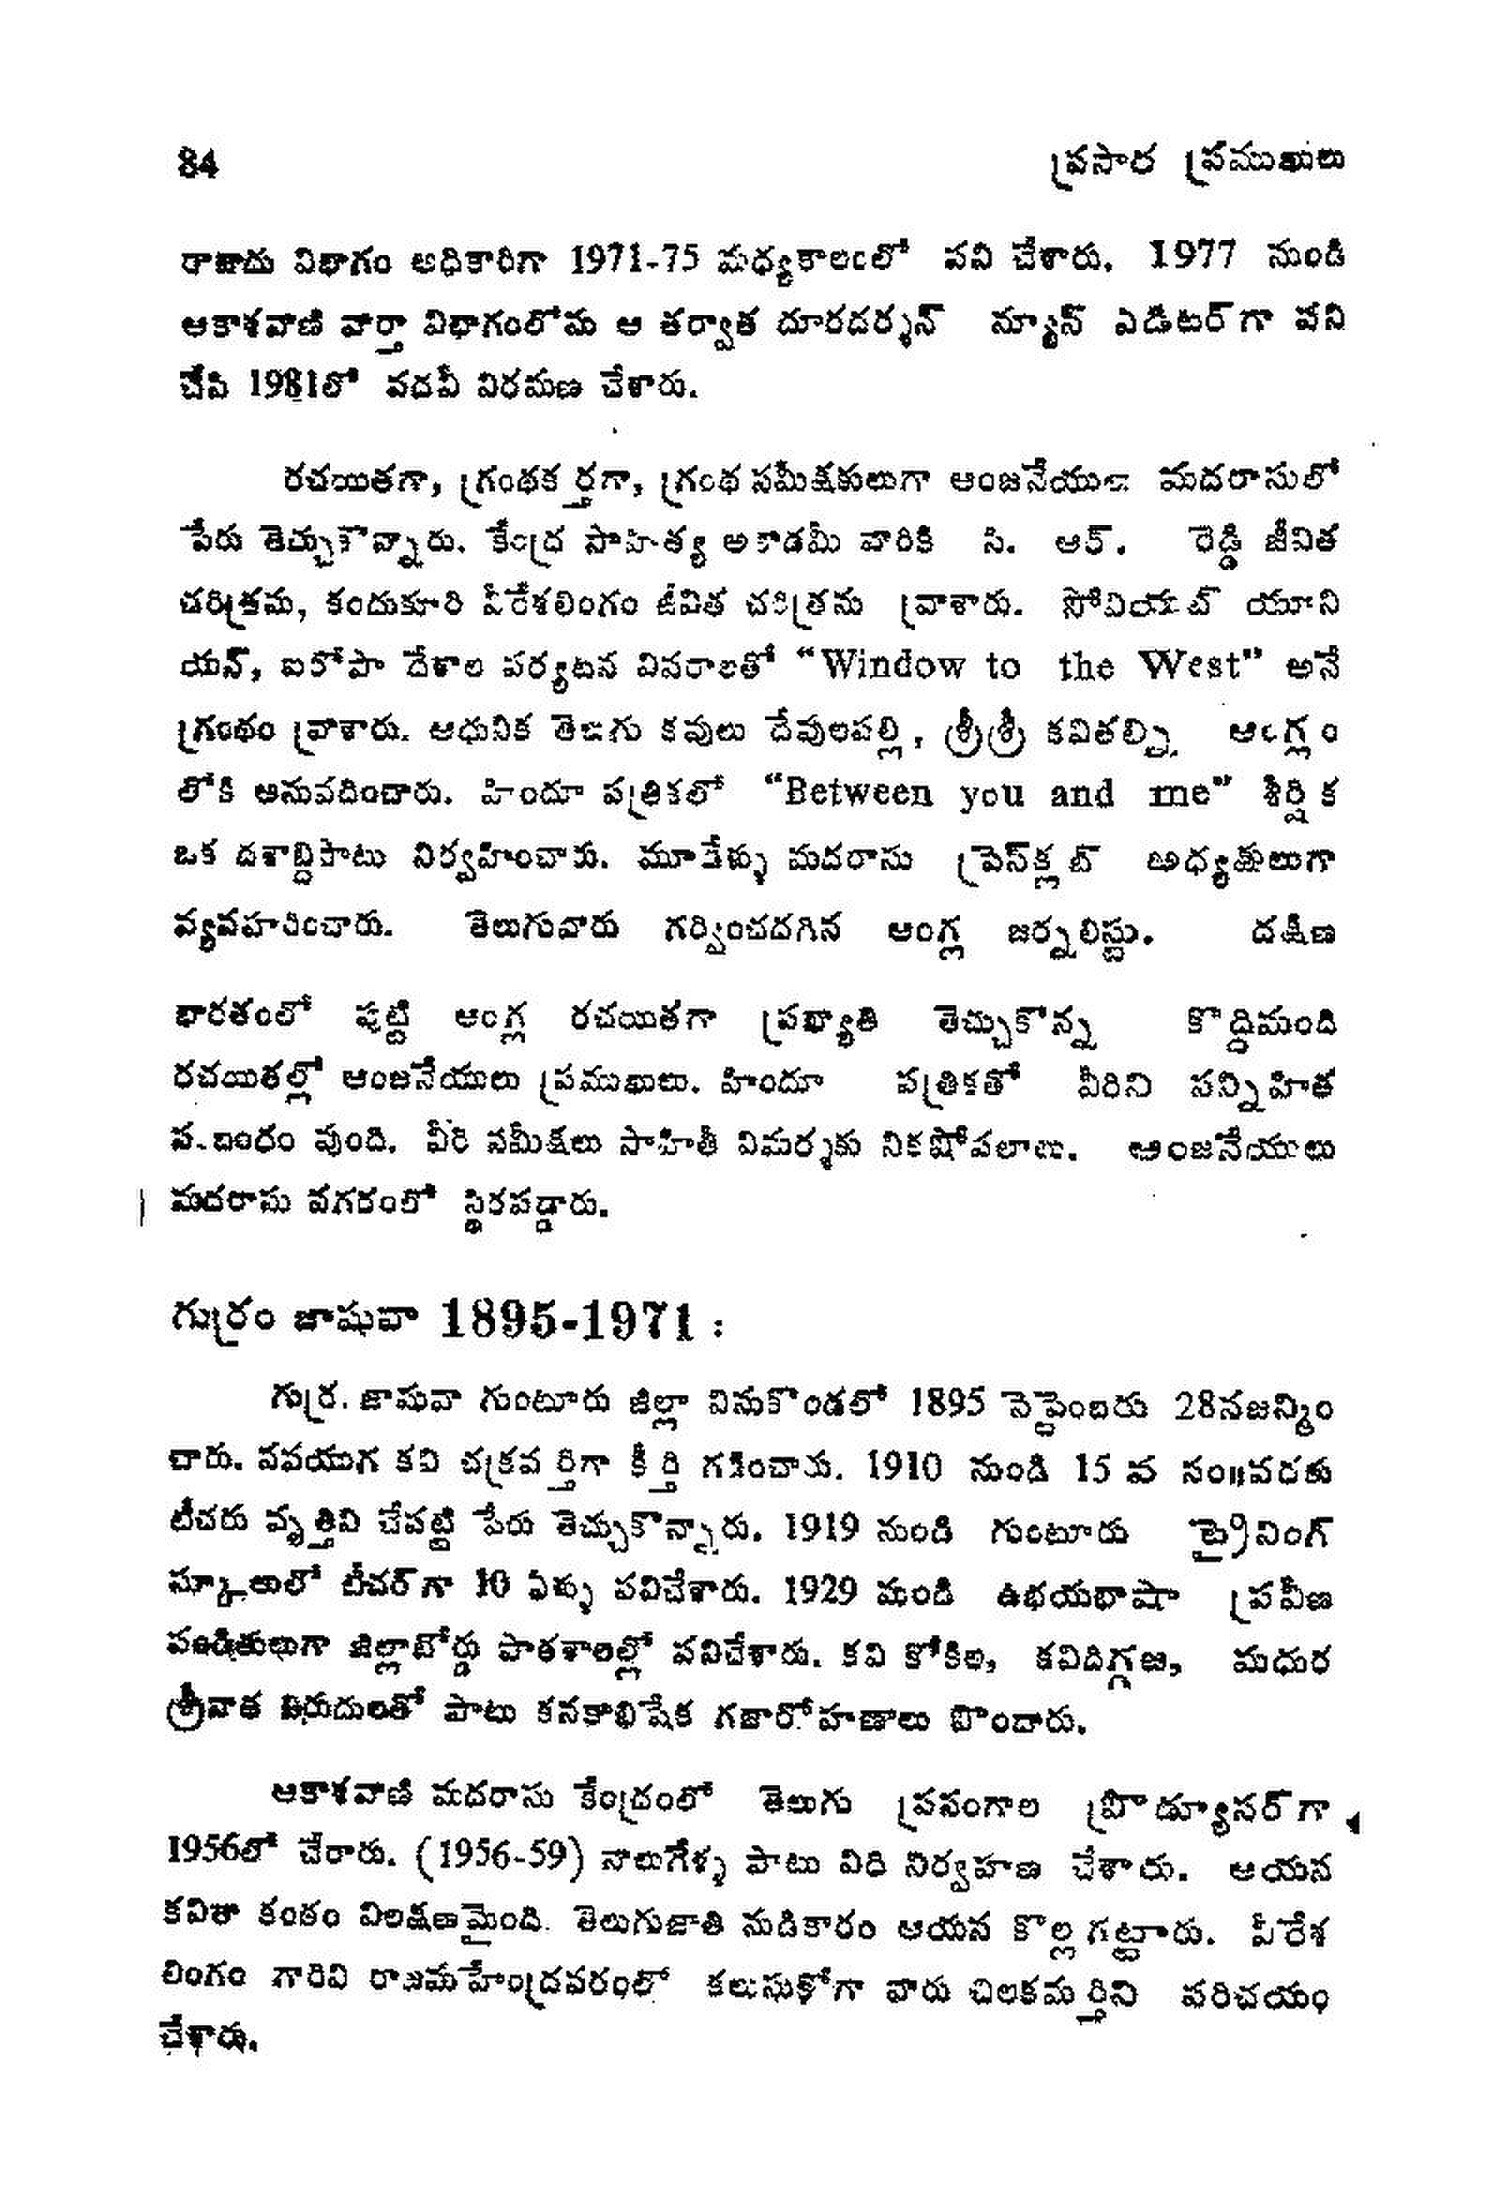రాబాదు విభాగం అధికారిగా 1971-75 మధ్యకాలంలో పనిచేశారు. 1977 నుండి ఆకాశవాణి వార్తా విభాగంలోను ఆ తర్వాత దూరదర్శన్ న్యూస్ ఎడిటర్ గా పనిచేసి 1981లో పదవీ విరమణ చేశారు.

రచయితగా, గ్రంథకర్తగా, గ్రంథ సమీక్షకులుగా ఆంజనేయులు మదరాసులో పేరు తెచ్చుకొన్నారు. కేంద్ర సాహిత్య అకాడమీ వారికి సి.ఆర్.రెడ్డి జీవిత చరిత్రను, కందుకూరి వీరేశలింగం జీవిత చరిత్రను వ్రాశారు. సోవియట్ యూనియన్, ఐరోపా దేశాల పర్యటన వివరాలతో "Window to the West" అనే గ్రంథం వ్రాశారు. ఆధునిక తెలుగు కవులు దేవులపల్లి, శ్రీశ్రీ కవితల్ని ఆంగ్లంలోకి అనువదించారు. హిందూ పత్రికలో "Between You and me" శీర్షిక ఒక దశాబ్దిపాటు నిర్వహించారు. మూడేళ్ళు మదరాసు ప్రెస్‌క్లబ్ అధ్యక్షులుగా వ్యవహరించారు. తెలుగువారు గర్వించదగిన ఆంగ్ల జర్నలిష్టు. దక్షిణభారతంలో పుట్టి ఆంగ్ల రచయితగా ప్రఖ్యాతి తెచ్చుకొన్న కొద్దిమంది రచయితల్లో ఆంజనేయులు ప్రముఖులు. హిందూ పత్రికతో వీరికి సన్నిహిత సంబంధం వుంది. వీరి సమీక్షలు సాహితీ విమర్శకు నికషోపలాలు. ఆంజనేయులు మదరాసు నగరంలో స్థిరపడ్డారు.

గుర్రం జాషువా గుంటూరు జిల్లా వినుకొండంలో 1895 సెప్టెంబరు 28న జన్మించారు. నవయుగ కవి చక్రవర్తిగా కీర్తి గడించారు. 1910 నుండి 15వ సం. వరకు టీచరు వృత్తిని చేపట్టి పేరు తెచ్చుకొన్నారు. 1919 నుండి గుంటూరు ట్రైనింగ్ స్కూలులో టీచర్ గా 10 ఏళ్ళు పనిచేశారు. 1929 నుండి ఉభయభాషా ప్రవీణ పండితులుగా జిల్లాబోర్డు పాఠశాలల్లో పనిచేశారు. కవి కోకిల, కవిదిగ్గజ, మధుర శ్రీవాత బిరుదులతో పాటు కనకాభిషేక గజారోహణాలు పొందారు.

ఆకాశవాణి మదరాసు కేంద్రంలో తెలుగు ప్రసంగాల ప్రొడ్యూసర్‌గా 1956లో చేరారు. (1956-59) నాలుగేళ్ళ పాటు విధి నిర్వహణ చేశారు. ఆయన కవితా కంఠం విలక్షణమైంది. తెలుగుజాతి నుడికారం ఆయన కొల్లగొట్టారు. వీరేశలింగం గారిని రాజమహేంద్రవరంలో కలుసుకోగా వారు చిలకమర్తిని పరిచయం చేశారు.